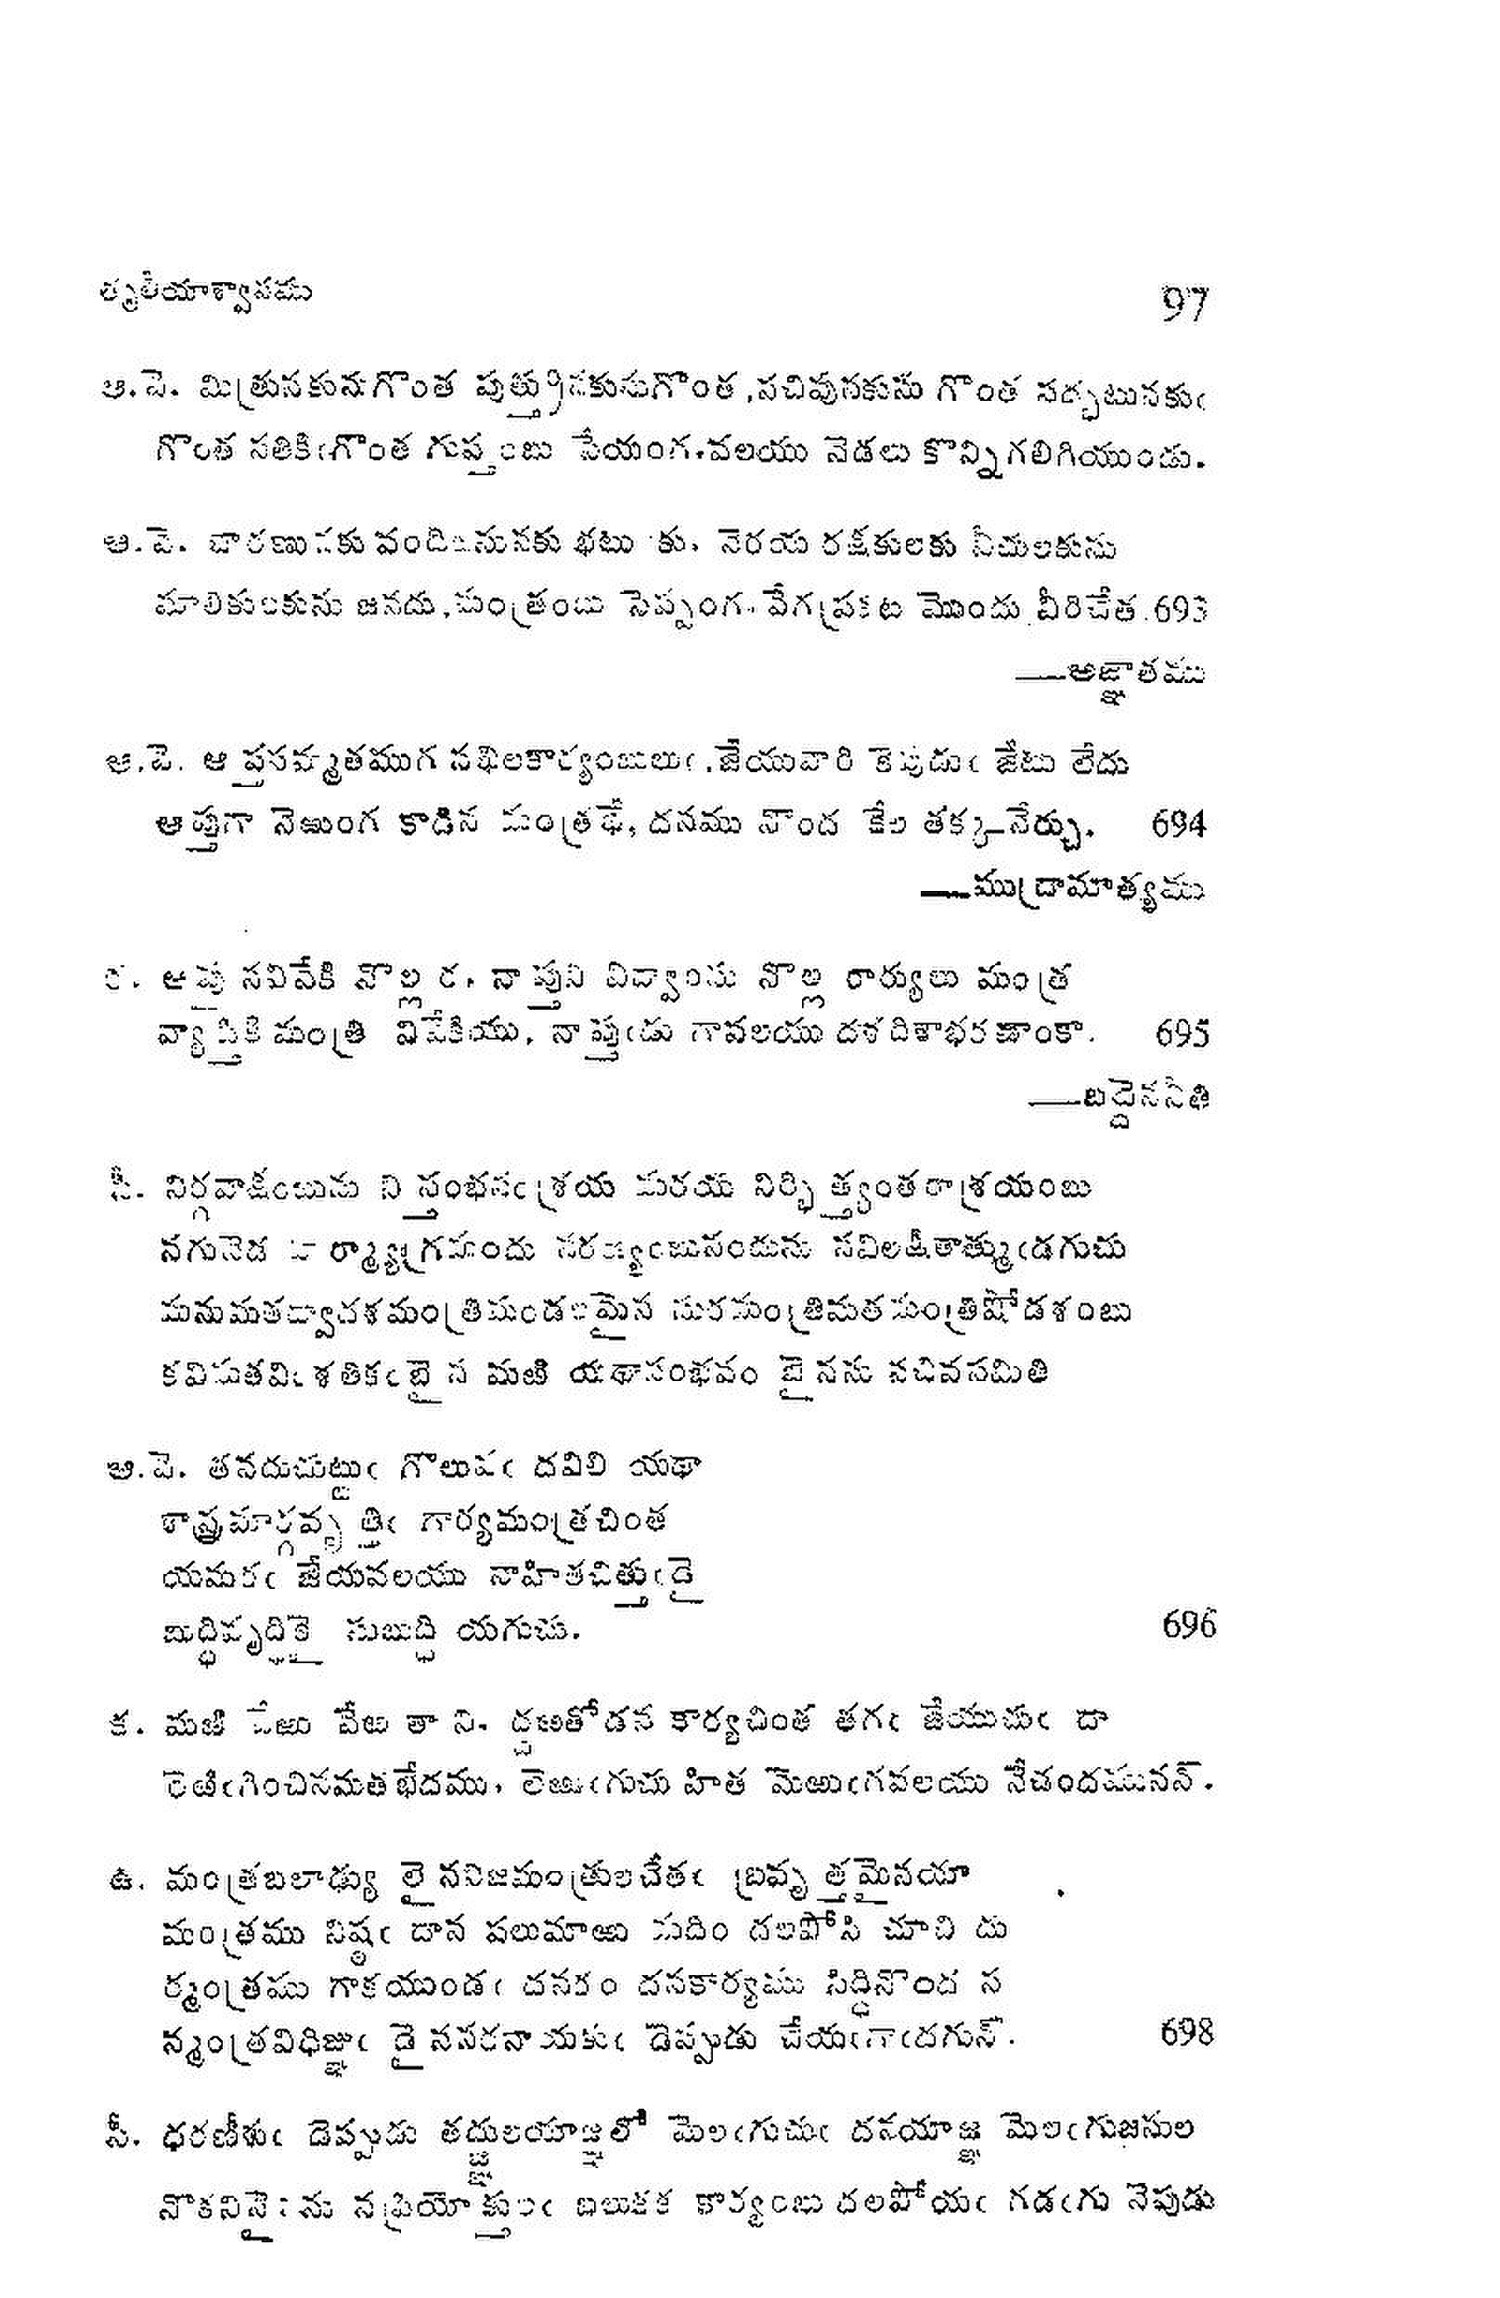ఆ. మిత్రునకును గొంత పుత్త్రునకును గొంత
సచివునకును గొంత సద్భటునకుఁ
గొంత సతికిఁ గొంత గుప్తంబు సేయంగ
వలయు నెడలు కొన్నిగలిగియుండు. 692

ఆ. చారణునకు వందిజనునకు భటునకు
నెరయ రక్షకులకు నీచులకును
మాలికులకును జనదు మంత్రంబు సెప్పంగ
వేగప్రకట మొందు వీరిచేత. 693

ఆ. ఆప్తసమ్మతముగ నఖిలకార్యంబులుఁ
జేయువారి కెపుడుఁ జేటు లేదు
ఆప్తుగా నెఱుంగ కాడిన మంత్రభే
దనము నొంద కేల తక్కనేర్చు. 694

క. ఆప్తు నవివేకి నొల్లర
నాప్తుని విద్వాంసు నొల్ల రార్యులు మంత్ర
వ్యాప్తికి మంత్రి వివేకియు
నాప్తుఁడు గావలయు దశదిశాభరణాంకా. 695

సీ. నిర్గవాక్షంబును నిస్తంభసంశ్రయ
మరయ నిర్భిత్త్యంతరాశ్రయంబు
నగునెడ హర్మ్యాగ్రమందు నరణ్యంబు
నందును నవిలక్షితాత్ముఁ డగుచు
మనుమతద్వాదశమంత్రిమండలమైన
సురమంత్రిమతమంత్రిషోడశంబు
కవిమతవింశతికంబైన మఱి యథా
సంభవం బైనను సచివసమితి
ఆ. తనదుచుట్టుఁ గొలువఁ దవిలి యథా
శాస్త్రమార్గవృత్తిఁ గార్యమంత్రచింత
యమరఁ జేయవలయు నాహితచిత్తుఁడై
బుద్ధివృద్ధికై సుబుద్ధి యగుచు. 696

క. మఱి వేఱు వేఱ తా ని
ద్దఱతోడన కార్యచింత తగఁ జేయుచుఁ దా
రెఱిఁగించిన మతభేదము
లెఱుఁగుచు హిత మెఱుఁగవలయు నేచందమునన్. 697

ఉ. మంత్రబలాఢ్యు లైన నిజమంత్రులచేతఁ బ్రవృత్తమైన యా
మంత్రము నిష్ఠఁ దాన పలుమాఱు మదిం దలపోసి చూచి దు
ర్మంత్రము గాకయుండఁ దనరం దనకార్యము సిద్ధినొంద స
న్మంత్రవిధిజ్ఞుఁ డైన నరనాయకుఁ డెప్పుడు చేయఁగాఁదగున్. 698

సీ. ధరణీశుఁ డెప్పుడు తద్జ్ఞులయాజ్ఞలో
మెలఁగుచుఁ దనయాజ్ఞ మెలఁగు జనుల
నొకనినైనను నప్రియోక్తులఁ బలుకక
కార్యంబు దలపోయఁ గడఁగు నెపుడు